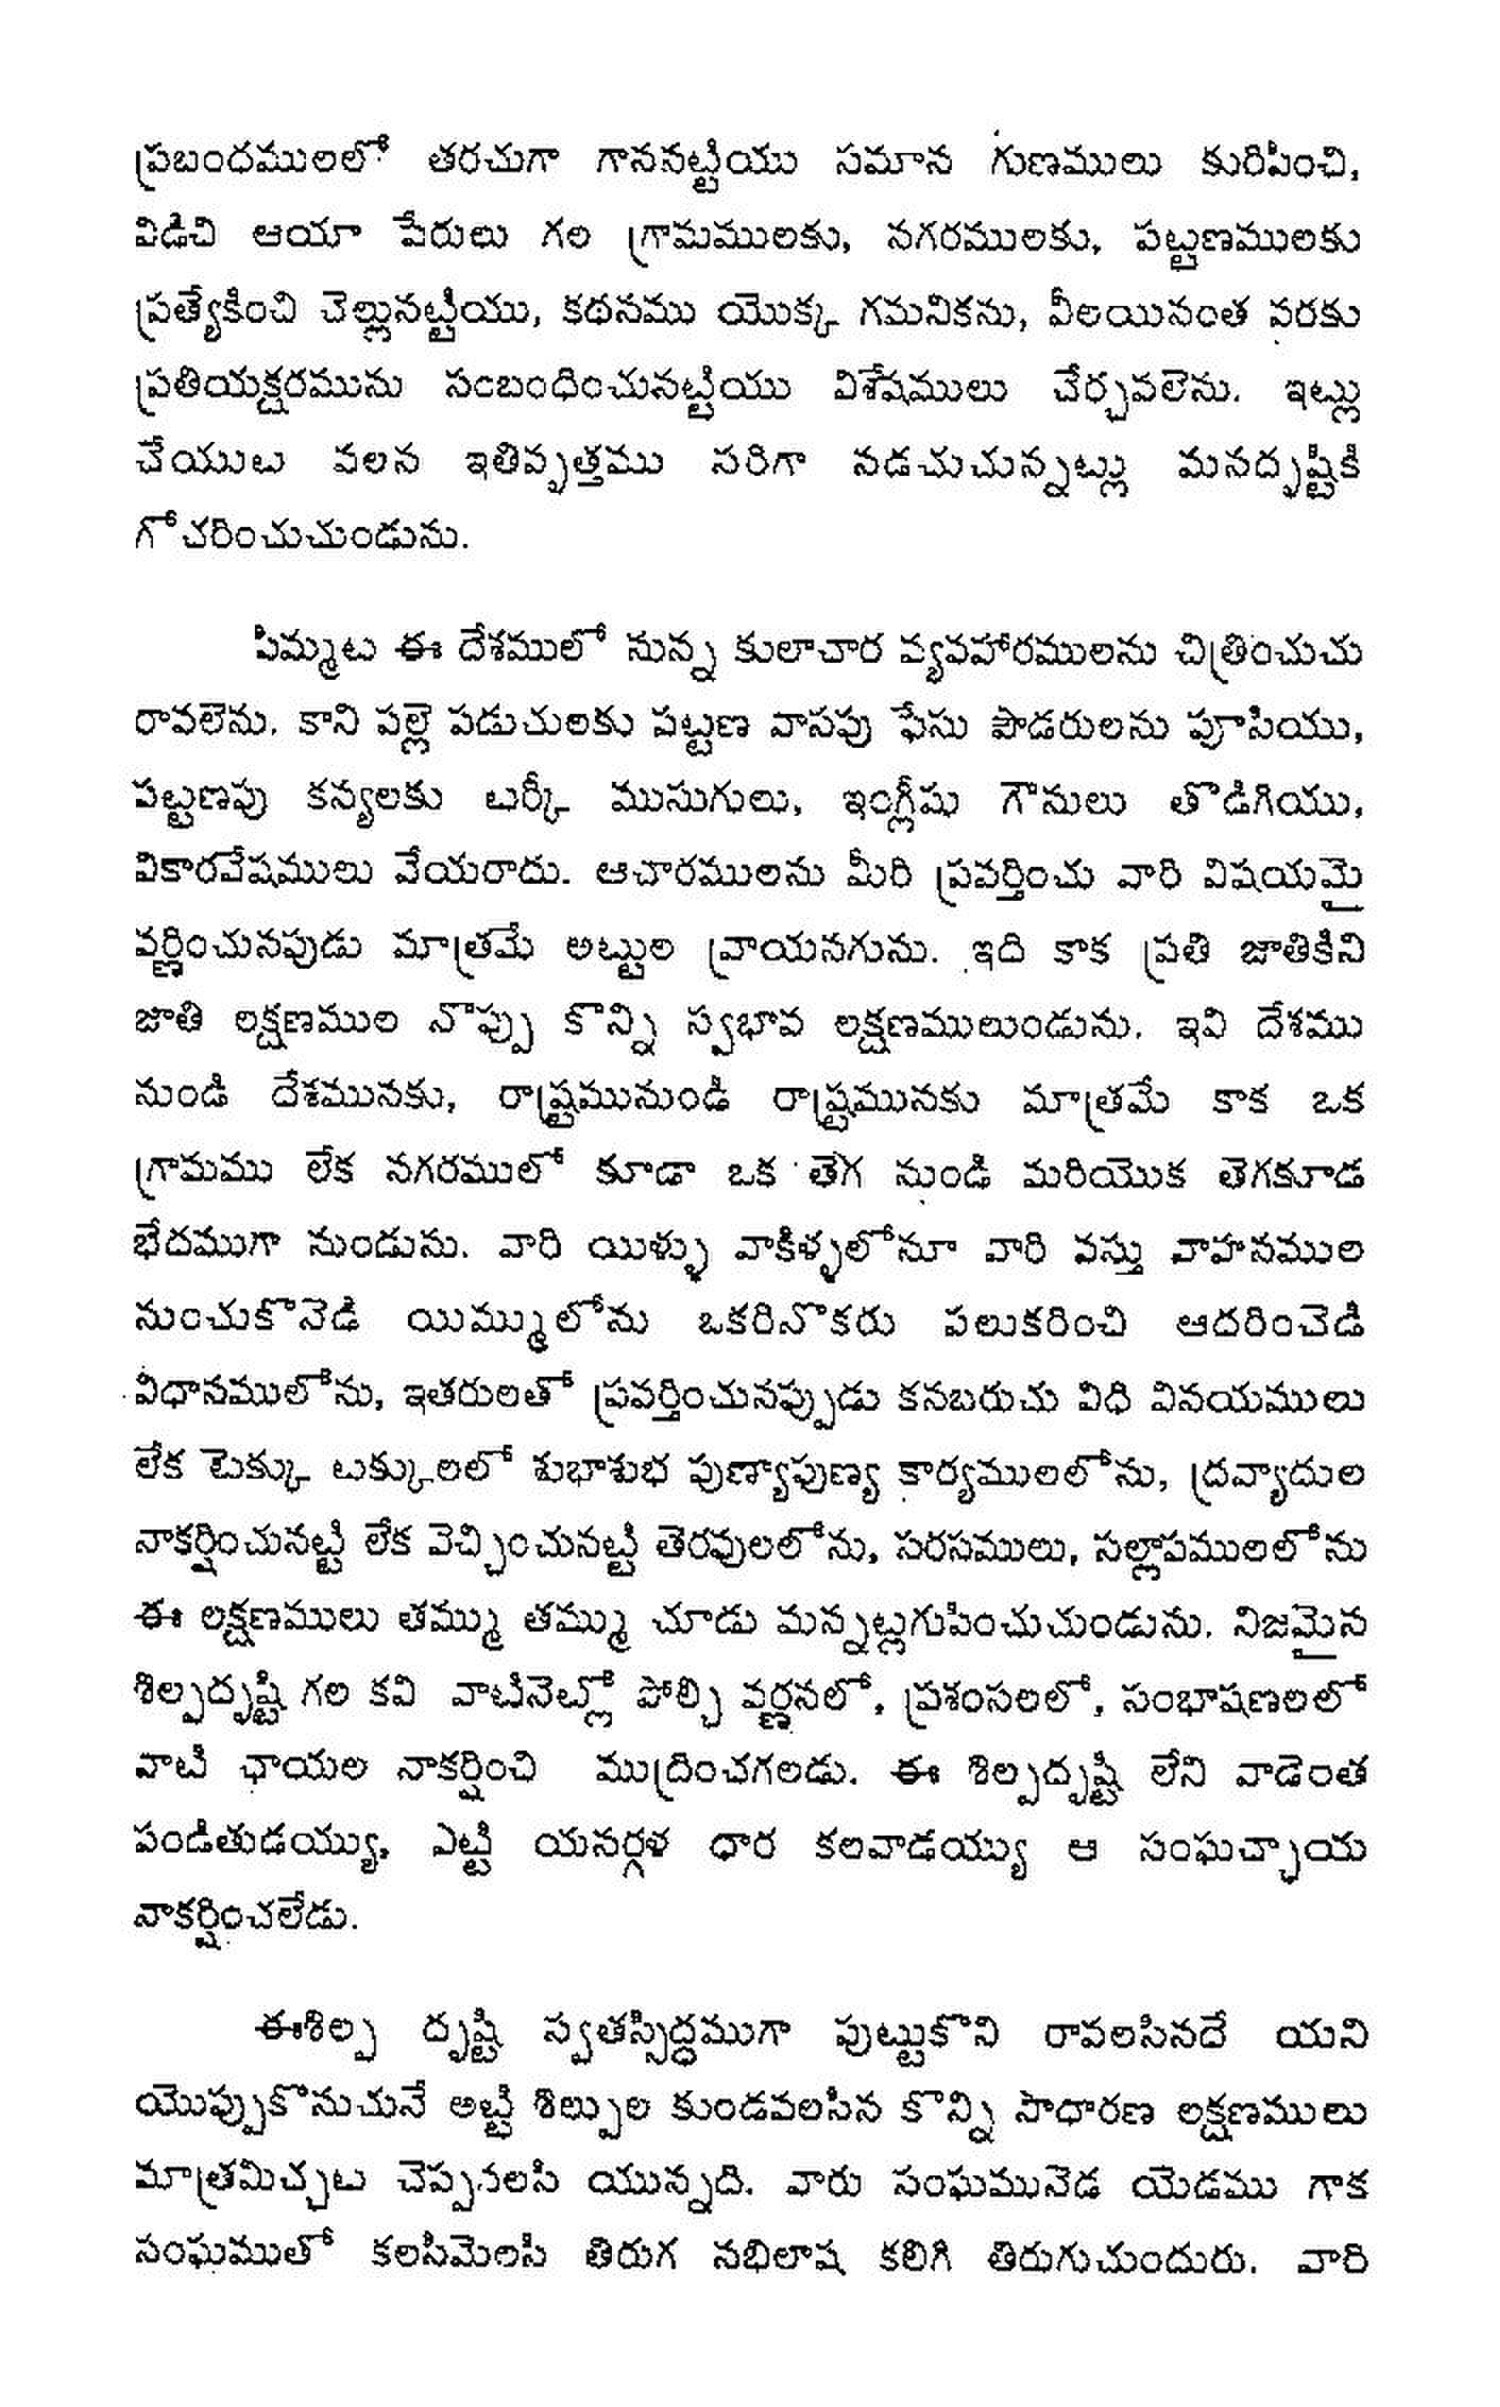ప్రబంధములలో తరచుగ గాననట్టియు సమాన గుణములు కురిపించి, విడిచి ఆయా పేరులు గల గ్రామములకు, నగరములకు, పట్టణములకు ప్రత్యేకించి చెల్లునట్టియు, కథనము యెక్క గమనికను, వీలయినంత వరకు ప్రతియక్షరమును సంబంధించునట్టియు విశేషములు చేర్చవలెను. ఇట్లు చేయుట వలన ఇతివృత్తము సరిగా నడచుచున్నట్లు మనదృష్టికి గోచరించుచుండును.

పిమ్మట ఈ దేశములో నున్న కులాచార వ్యవహారములను చిత్రించుచు రావలెను. కాని పల్లె పడుచులకు పట్టణ వాసపు ఫేసు ఫౌడరులను పూసియు, పట్టణపు కన్యలకు టర్కీ మసుగులు, ఇంగ్లీషు గౌనులు తొడిగియు, వికారవేషములు వేయరదు. ఆచారములను మీరి ప్రవర్తించు వారి విషయమై వర్ణించునపుడు మాత్రమే అట్టుల వ్రాయనగును. ఇది కాక ప్రతి జాతికిని జాతి లక్షణముల నొప్పు కొన్ని స్వభావ లక్షణములుండును. ఇవి దేశమునుండి దేశమునకు, రాష్ట్రమునుండి రాష్ట్రమునకు మాత్రమే కాక ఒక గ్రామము లేక నగరములో కూడా ఒక తెగ నుండి మరియొక తెగకూడ భేదముగా నుండును. వారి యిళ్ళు వాకిళ్ళలోనూ వారి వస్తు వాహనముల నుంచుకొనెడి యిమ్ములోను ఒకరినొకరు పలుకరించి ఆదరించెడి విధానములోను, ఇతరులతో ప్రవర్తించునప్పుడు కనబరుచు విధి వినయములు లేక టెక్కు టక్కులలో శుభాశుభ పుణ్యాపుణ్య కార్యములలోను, ద్రవ్యాదుల నాకర్షించునట్టి లేక వెచ్చించునట్టి తెరవులలోను, సరసములు, సల్లాపములలోను ఈ లక్షణములు తమ్ము తమ్ము చూడు మన్నట్లగుపించుచుండును. నిజమైన శిల్పదృష్టి గల కవి వాటినెట్లో పోల్చి వర్ణనలో, ప్రశంసలలో, సంభాషణలలో వాటి ఛాయల నాకర్షించి ముద్రించగలడు. ఈ శిల్పదృష్టి లేని వాడెంత పండితుడయ్యు, ఎట్టి యనర్గళ ధార కలవాడయ్యు ఆ సంఘచ్చాయ నాకర్షించలేడు.

ఈశిల్ప దృష్టి స్వతస్సిద్ధముగా పుట్టుకొని రావలసినదే యని యొప్పుకొనుచునే అట్టి శిల్పుల కుండవలసిన కొన్ని సాధారణ లక్షణములు మాత్రమిచ్చట చెప్పవలసి యున్నది. వారు సంఘమునెడ యెడము గాక సంఘముతో కలిసిమెలసి తిరుగ నభిలాష కలిగి తిరుగుచుందురు. వారి